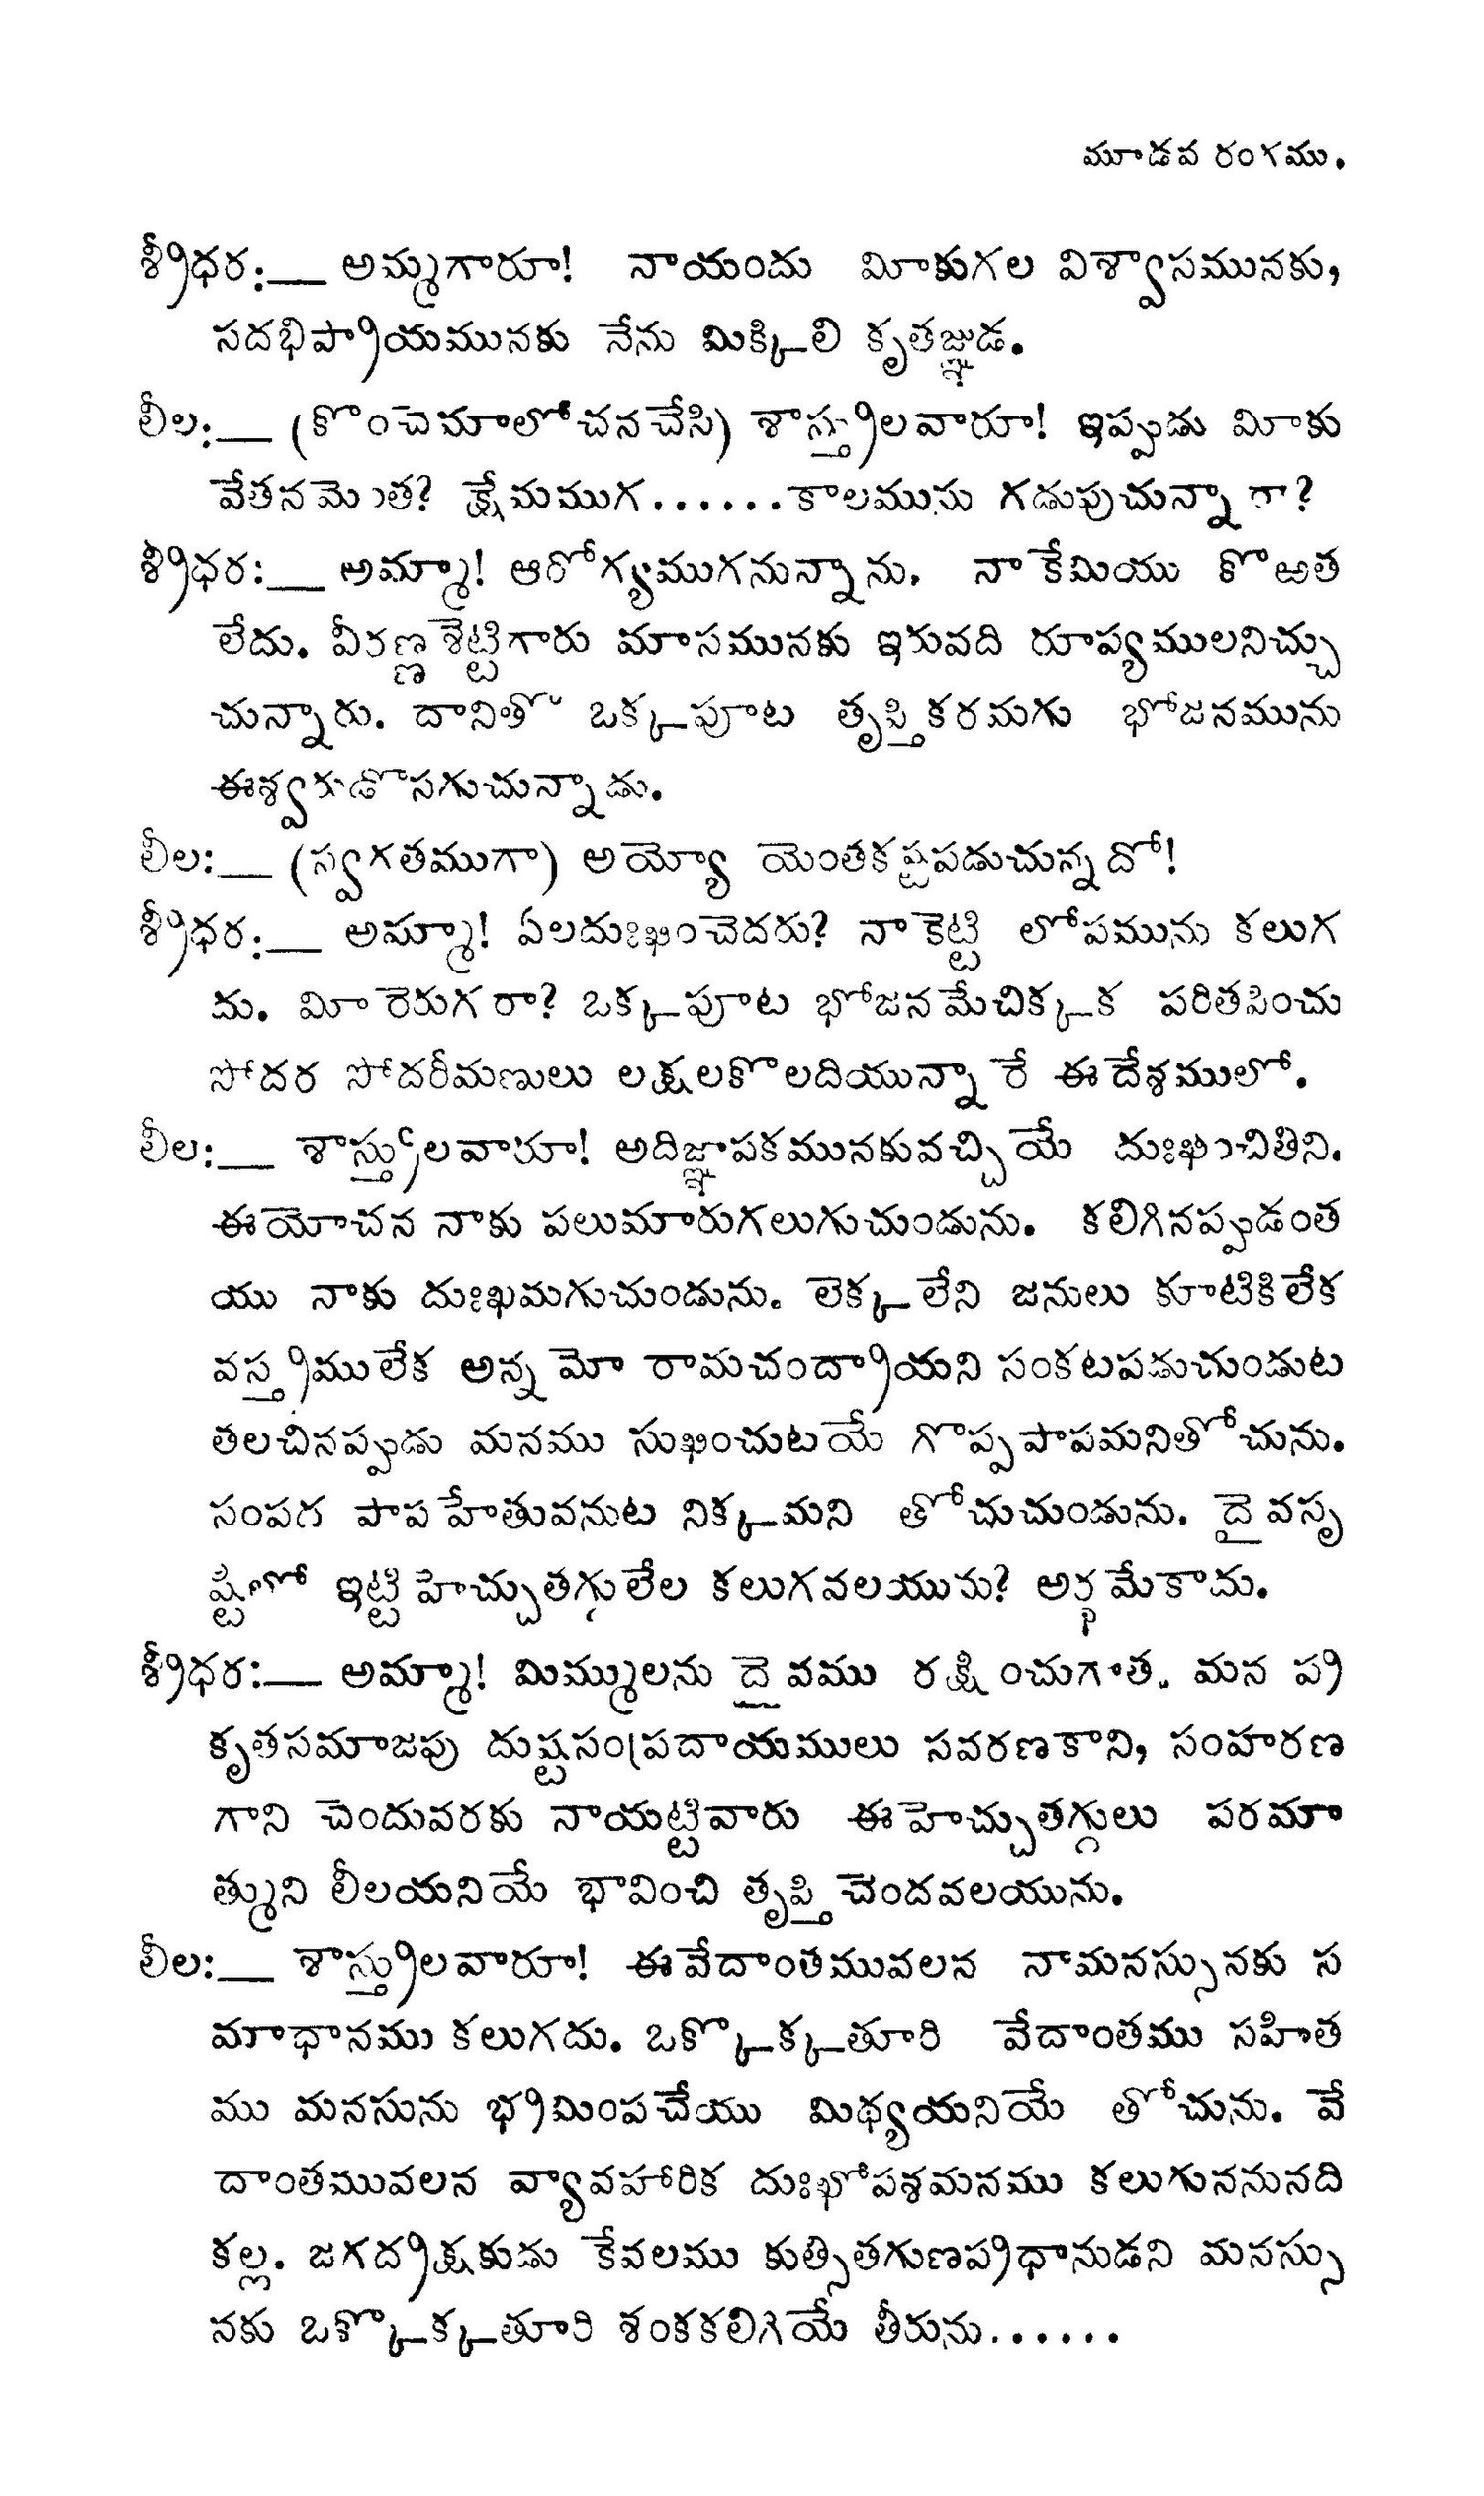శ్రీధర:-అమ్మగారూ! నాయందు మీకుగల విశ్వాసము సదబిప్రాయమునకు నేను మిక్కిలి కృతజ్ఞడ

లీల:-(కొంచెమాలోచనచేసి) శాస్త్రులవారూ! ఇప్పుడు మీకు వేతనమెంత? క్షేమముగ..... కాలమును గడుపు చున్నారా?

శ్రీధర:-అమ్మా! ఆరోగ్యముగనున్నాను. నాకేమియు కొఱతలెదు. వీరణ్ణశెట్టిగారు మాసమునకు ఇరువది రూప్యములనిచుచున్నారు. దానితొ ఒక్కపూట తృప్తికరమగు భోజనమును ఈశ్వరుడొసగుచున్నాడు.

లీల:-(స్వగతముగా) అయ్యో యెంతకష్జపడుచున్నదో!

శ్రీధర:-అమ్మా! ఏలదు:ఖించెదరు? నాకెట్టి లోపమును కలుగదు. మీరెరుగరా? ఒక్కపూట భోజనమే చిక్కక పరితపించు సొదరసోదరీమణులు లక్షలకొలది యున్నారే ఈదేశములొ.

లీల:-శాస్త్రులవారూ! అదిజ్ఞాపకమునకు వచ్చియే దు:ఖించితిని. ఈయోచన నాకు పలుమారు గలుగుచుండును. కలిగినప్పుడంతయు నాకు దు:ఖమగు చుండును. లెక్కలేని జనులు కూటికిలేక వస్త్రములేక అన్నమో రామచంద్రాయని సంకటపడు చుండుట తలచినప్పుడు మనము సుఖించుటయే గొప్పపాపమని తోచును. సంపద పాపహేతువనుట నిక్కమని తోచుచుండును. దైవసృష్టిలో ఇట్టి హెచ్చుతగ్గులేల కలుగ వలయును? అర్ధమేగాదు.

శ్రీధర;-అమ్మా! మిమ్ములను దైవము రక్షించుగాత, మన ప్రకృతసమాజపు దుష్ట సంప్రదాయములు సవరణకాని, సంహరణగాని చెందువరకు నాయట్టివారు ఈ హెచ్చుతగ్గులు పరమాత్ముని లీల యనియే భావించి తృప్తి చెంద వలయును.

లీల:-శాస్త్రులవారూ! ఈవేదాంతము వలన నామనస్సునకు సమాధానము కలుగదు. ఒక్కొక్క తూరి వేదాంతము సహితము మనసును భ్రమింప చేయు మిధ్య యనియే తోచును. వేదాంతము వలన వ్యావహారిక దు:ఖోపశమనము కలుగునను నది కల్ల. జగద్రక్షకుడు కేవలము కుత్సితగుణ ప్రధానుడని మనస్సునకు ఒక్కొక్క తూరి శంక కలిగియే తీరును.........